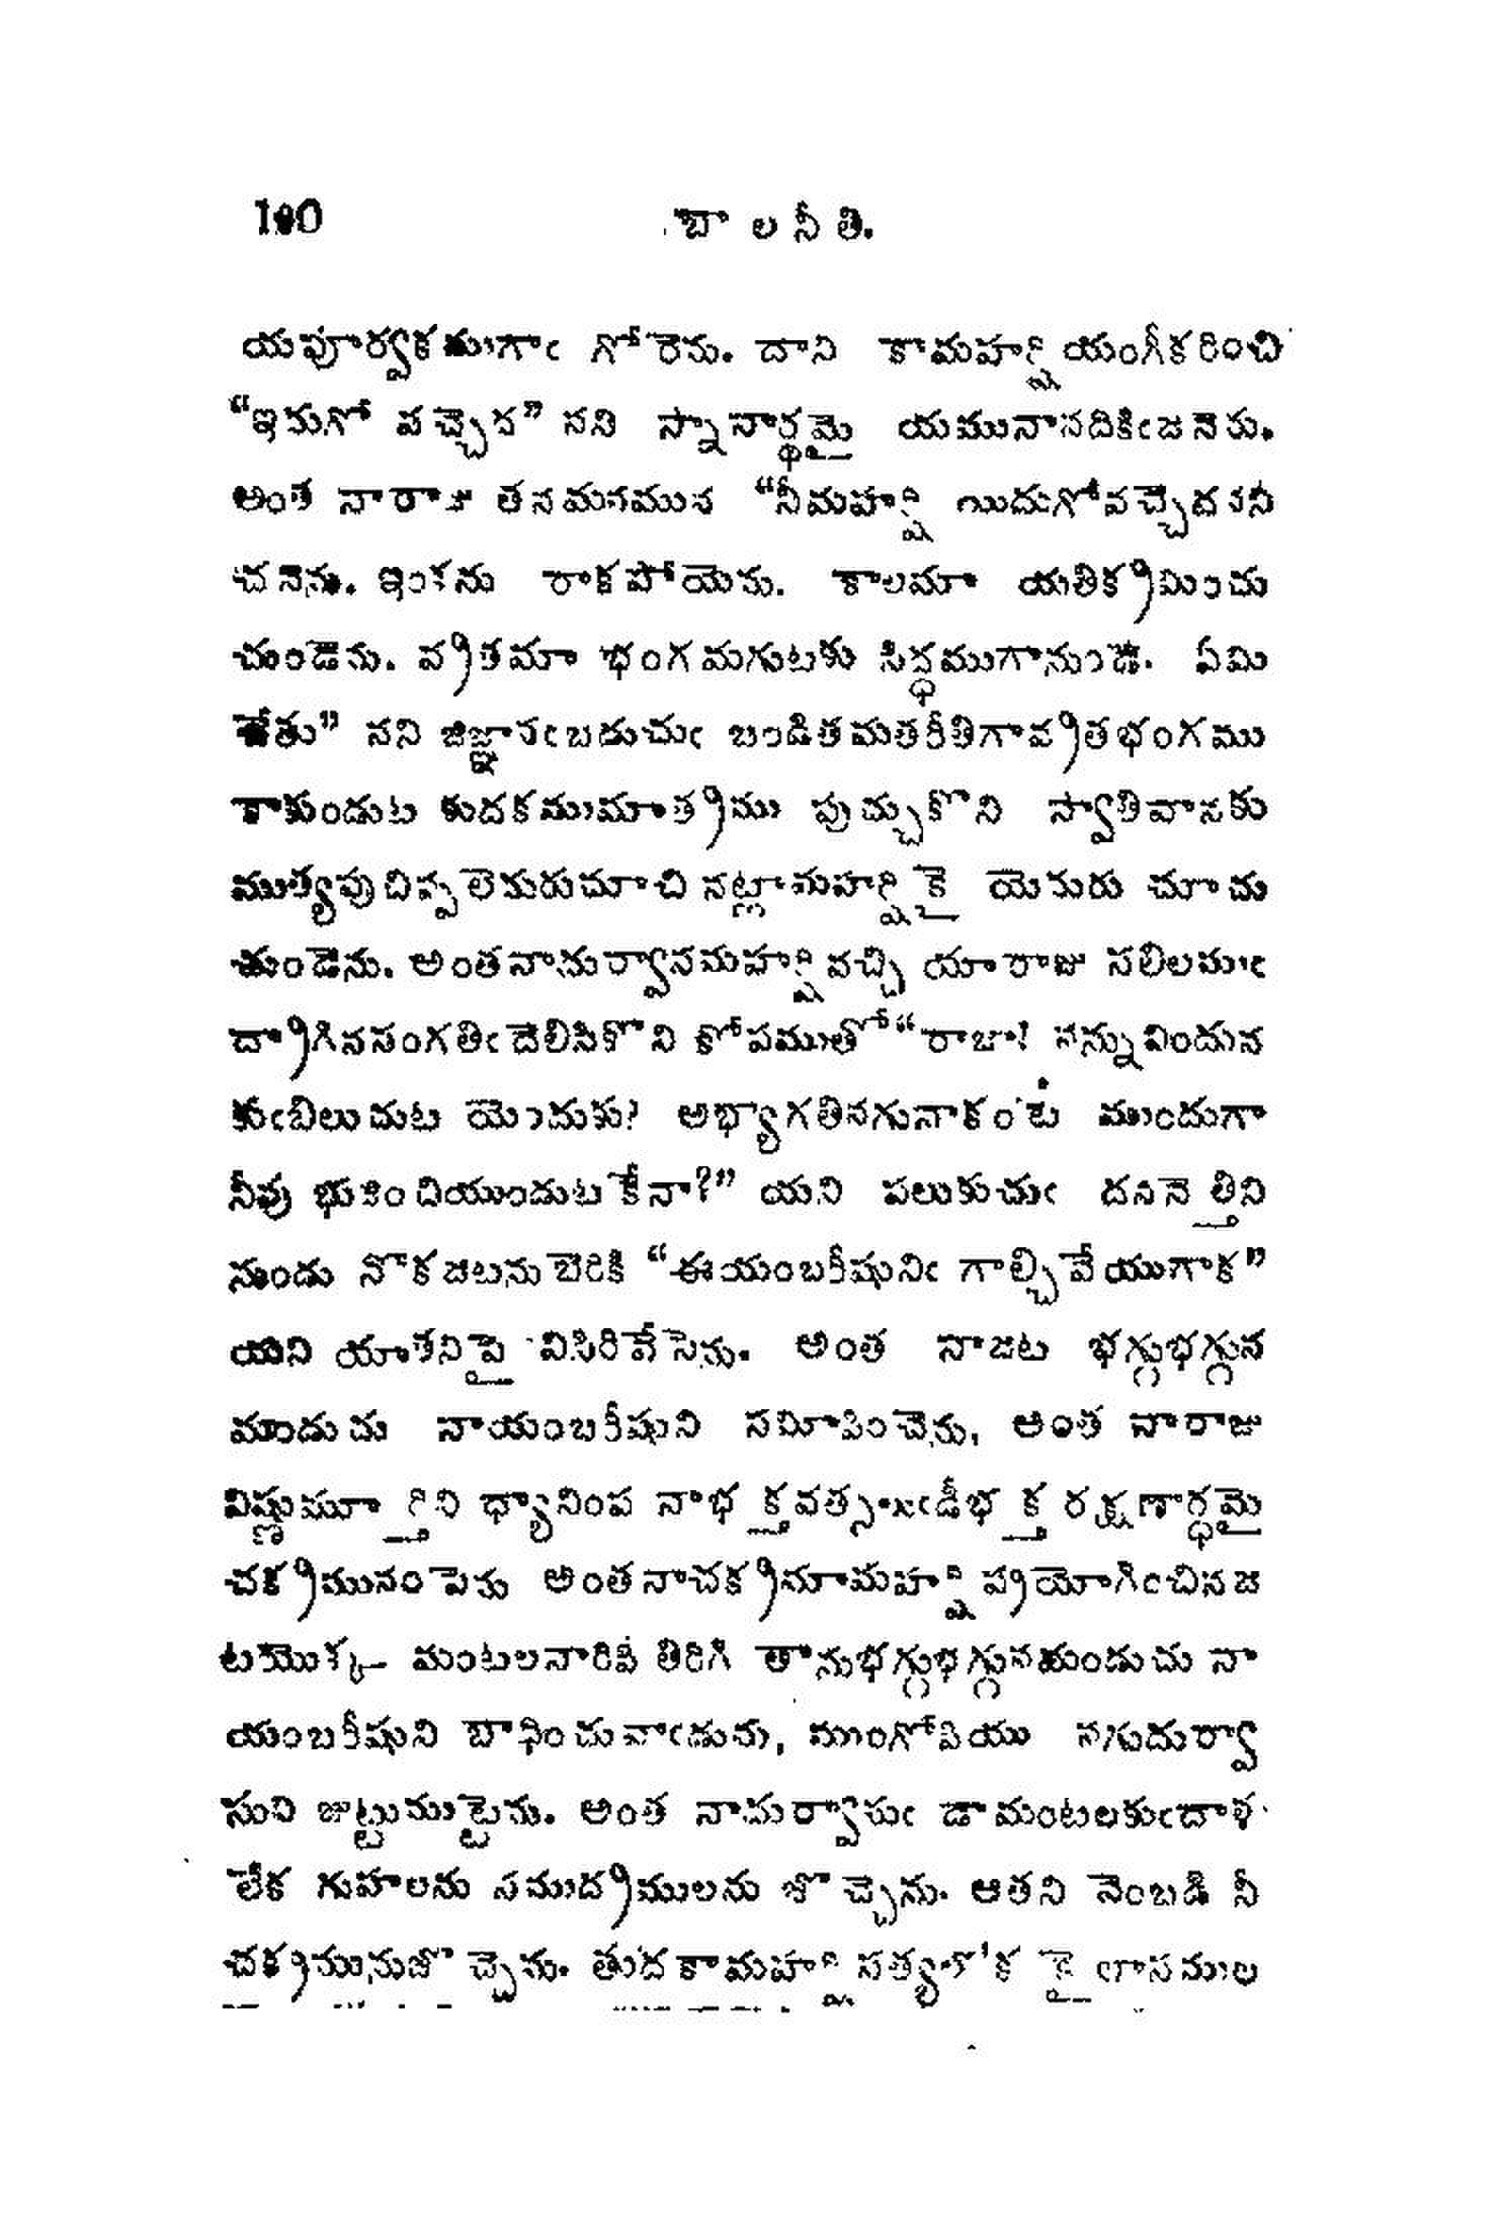యపూర్వకముగాఁ గోరెను. దాని కామహర్షి యంగీకరించి 
"ఇదుగో వచ్చెద" నని స్నానార్థమై యమునానదికిఁజనెను. 
అంత నారాజు తనమనమున "నీమర్షి యిదిగోవచ్చెదనని 
చనెను. ఇంకను రాకపోయెను. కాలమా యతిక్రమించు
చుండెను. వ్రతమా భంగమగుటకు సిద్ధముగానుండె. ఏమి
జేతు" నని జిజ్ఞాసఁబడుచుఁ బండితమతరీతిగావ్రతభంగము 
కాకుండుట కుదకముమాత్రము పుచ్చుకొని స్వాతివానకు 
ముత్యపుచిప్పలెదురుచూచి నట్లామహర్షికై యెదురు చూచు
చుండెను. అంతనాదుర్వాసమహర్షివచ్చి యారాజు సలిలముఁ 
ద్రాగినసంగతిఁదెలిసికొని కోపముతో "రాజా! నన్నువిందున
కుఁబిలుచుట యెందుకు? అభ్యాగతినగునాకంటె ముందుగా 
నీవు భుజించియుండుట కేనా?" యని పలుకుచుఁ దననెత్తిని 
నుండు నొకజటనుబెరికి "ఈయంబరీషుని గాల్చివేయుగాక" 
యని యాతనిపై విసిరివేసెను. అంత నాజట భగ్గుభగ్గున 
మండుచు నాయంబరీషుని సమీపించెను. అంత నారాజు 
విష్ణుమూర్తిని ధ్యానింప నాభక్తవత్సలుఁడీభక్తరక్షణార్ధమై 
చక్రమునంపెను. అంతనాచక్రమామహర్షిప్రయోగించినజ
టయొక్క మంటలనారిపి తిరిగి తానుభగ్గుభగ్గునమండుచు 
నాయంబరీషుని బాధించువాఁడును, ముంగోపియు నగుదుర్వా
సుని జుట్టుముట్టెను. అంత నాదుర్వాసుఁ డామంటలకుఁదాళ
లేక గుహలను సముద్రములను జొచ్చెను. ఆతని వెంబడి నీ
చక్రమునుజొచ్చెను.తుదకామహర్షి సత్యలోక కైలాసముల